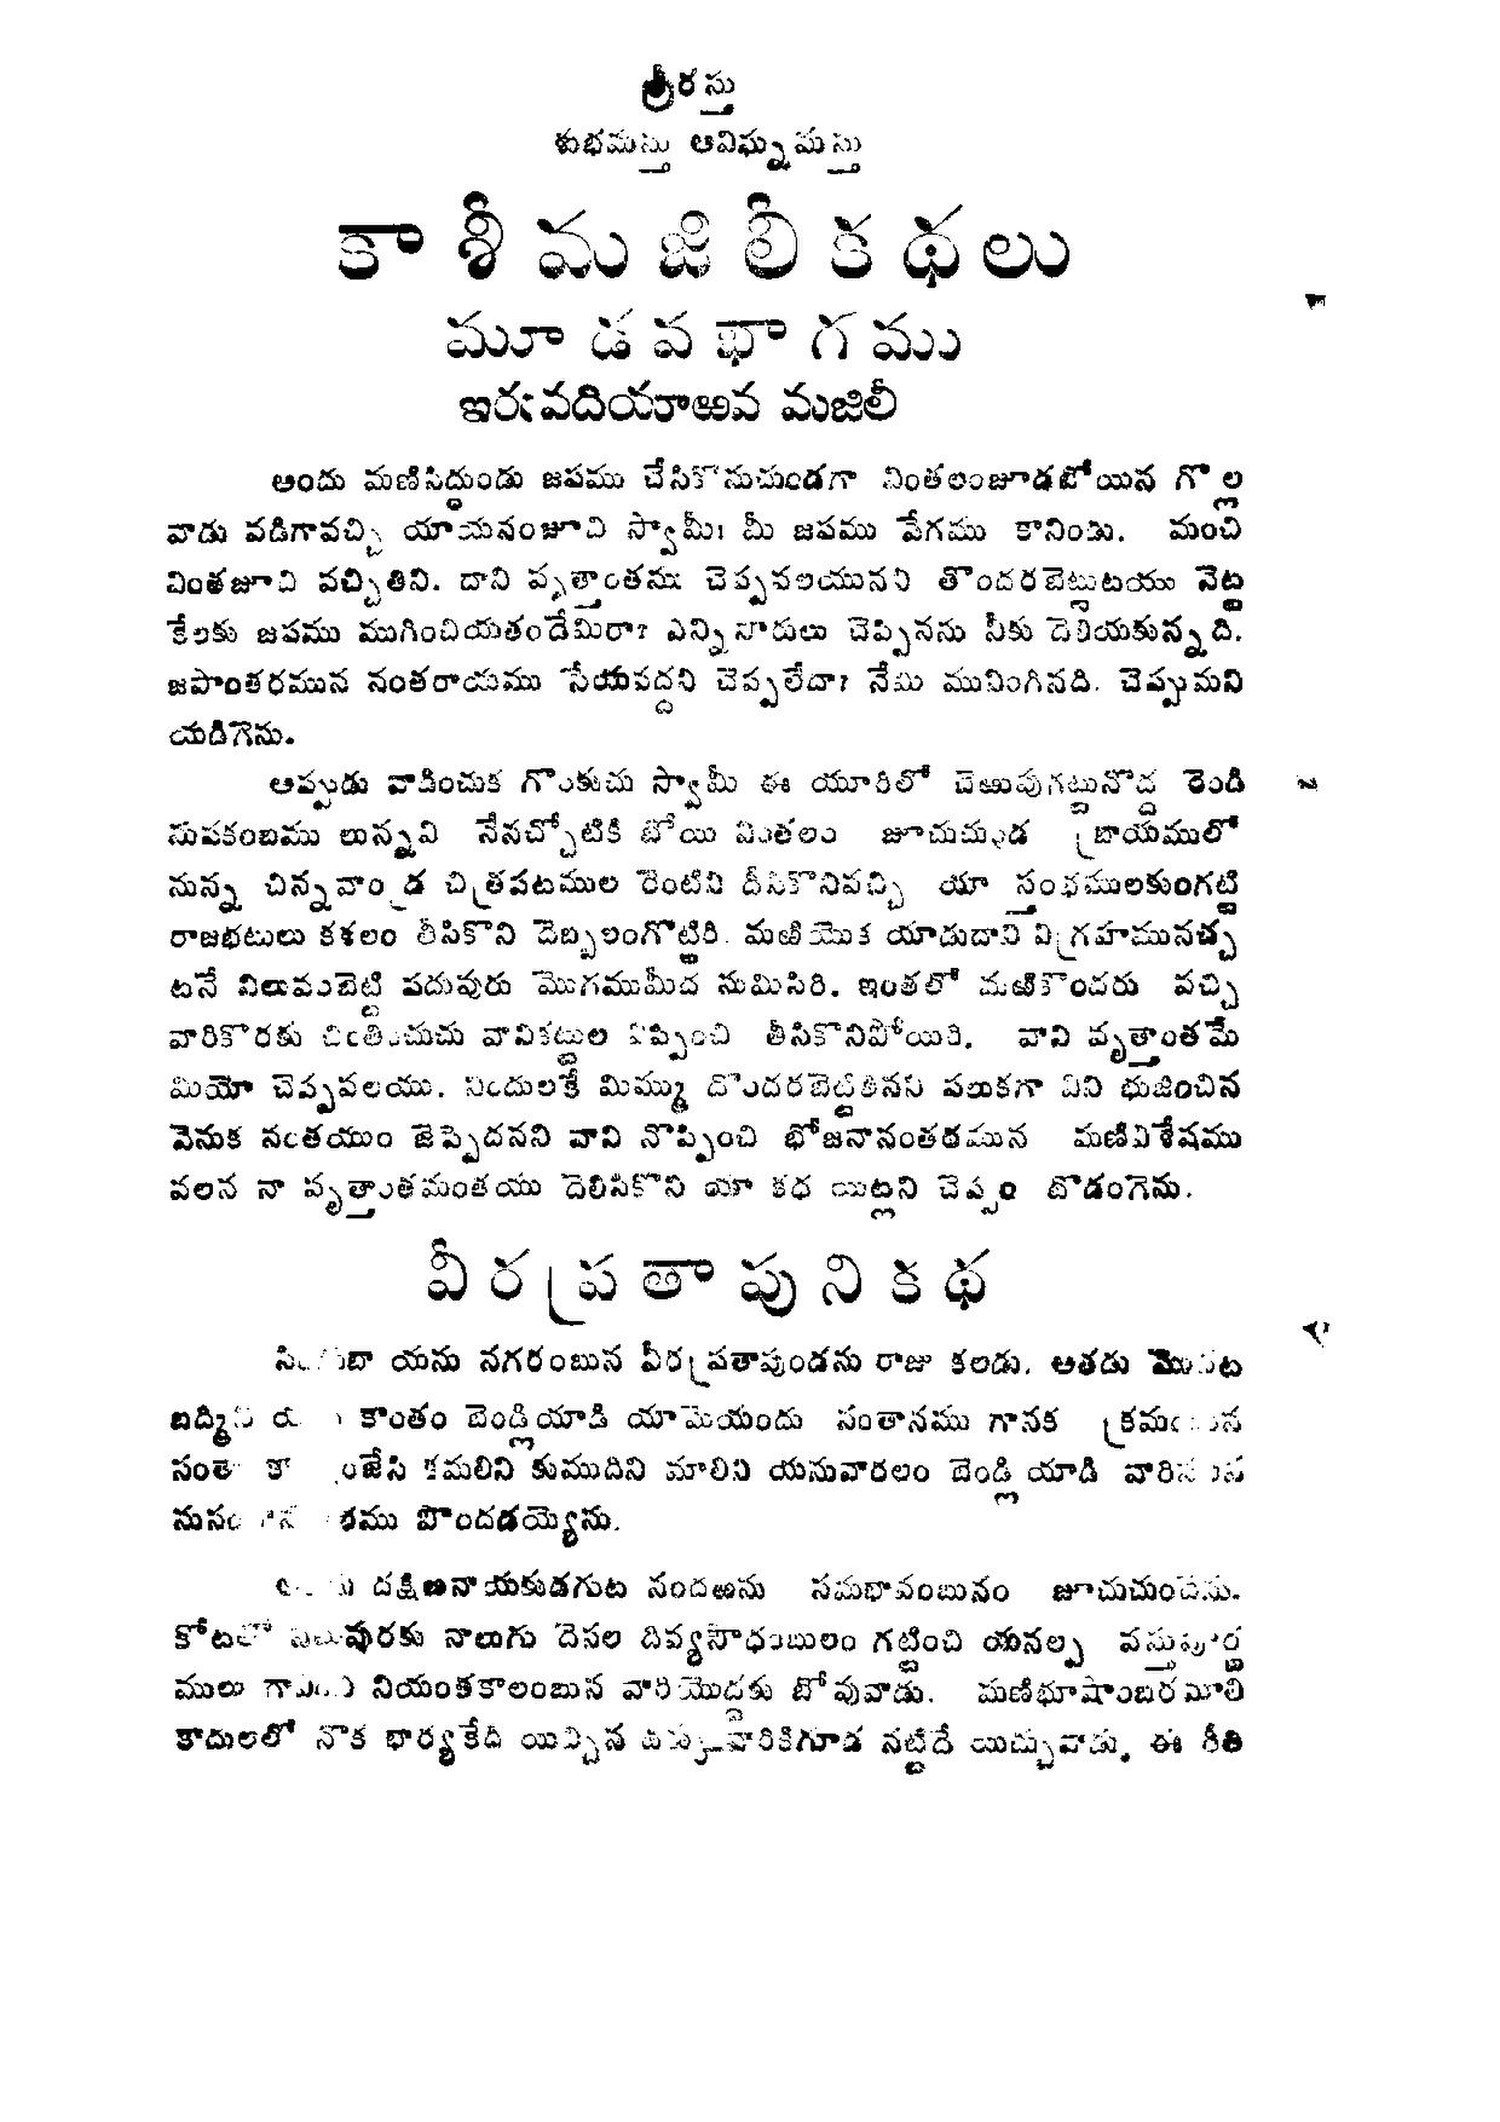కాశీమజిలీకథలు
మూడవ భాగము
ఇరువదియాఱవ మజిలీ

అందు మణిసిద్ధుండు జపము చేసికొనుచుండగా వింతలంజూడబోయిన గొల్లవాడు వడిగావచ్చి యాయనంజూచి స్వామీ! మీ జపము వేగము కానిండు. మంచి వింతజూచి వచ్చితిని. దాని వృత్తాంతము చెప్పవలయునని తొందరబెట్టుటయు నెట్టకేలకు జపము ముగించి యతం డేమిరా? ఎన్నిసారులు చెప్పినను నీకు దెలియకున్నది. జపాంతరమున నంతరాయము సేయవద్దని చెప్పలేదా? నేమి మునింగినది. చెప్పుమని యడిగెను.

అప్పుడు వాడించుక గొంకుచు స్వామీ ఈ యూరిలో చెఱువుగట్టునొద్ద రెండి నుపకంబము లున్నవి నేనచ్చోటికి బోయి వింతలం జూచుచుండ బ్రాయములో నున్న చిన్నవాండ్ర చిత్రపటముల రెంటిని దీసికొనివచ్చి యా స్తంభములకుం గట్టి రాజభటులు కశలం తీసికొని దెబ్బలంగొట్టిరి. మఱియొక యాడుదాని విగ్రహము నచ్చటనే నిలువంబెట్టి పదువురు మొగముమీద నుమిసిరి. ఇంతలో మఱికొందరు వచ్చి వారికొరకు చింతించుచు వానికట్టుల విప్పించి తీసికొనిపోయిరి. వాని వృత్తాంతమేమియో చెప్పవలయు. నిందులకే మిమ్ము దొందరబెట్టితినని పలుకగా విని భుజించిన వెనుక నంతయుం జెప్పెదనని వాని నొప్పించి భోజనానంతరమున మణివిశేషము వలన నా వృత్తాంతమంతయు దెలిసికొని యా కథ యిట్లని చెప్పం దొడంగెను.

వీరప్రతాపుని కథ

సిందుబా యను నగరంబున వీరప్రతాపుండను రాజు కలడు. అతడు మొదట బద్మిని యను కాంతం బెండ్లియాడి యామెయందు సంతానము గానక క్రమంబున సంతానకారణంజేసి కమలిని కుముదిని మాలిని యనువారలం బెండ్లి యాడి వారివలనను సంతానము పొందడయ్యెను.

అతడు దక్షిణనాయకుడగుట నందఱును సమభావంబునం జూచుచుండెను. కోటలో నలువురకు నాలుగు దెసల దివ్యసౌధంబులం గట్టించి యనల్ప వస్తుపూర్ణములు గావించి నియంతకాలంబున వారియొద్దకు బోవువాడు. మణిభూషాంబరమాలికాదులలో నొక భార్య కేది యిచ్చిన దక్కువారికిగూడ నట్టిదే యిచ్చువాడు. ఈ రీతి